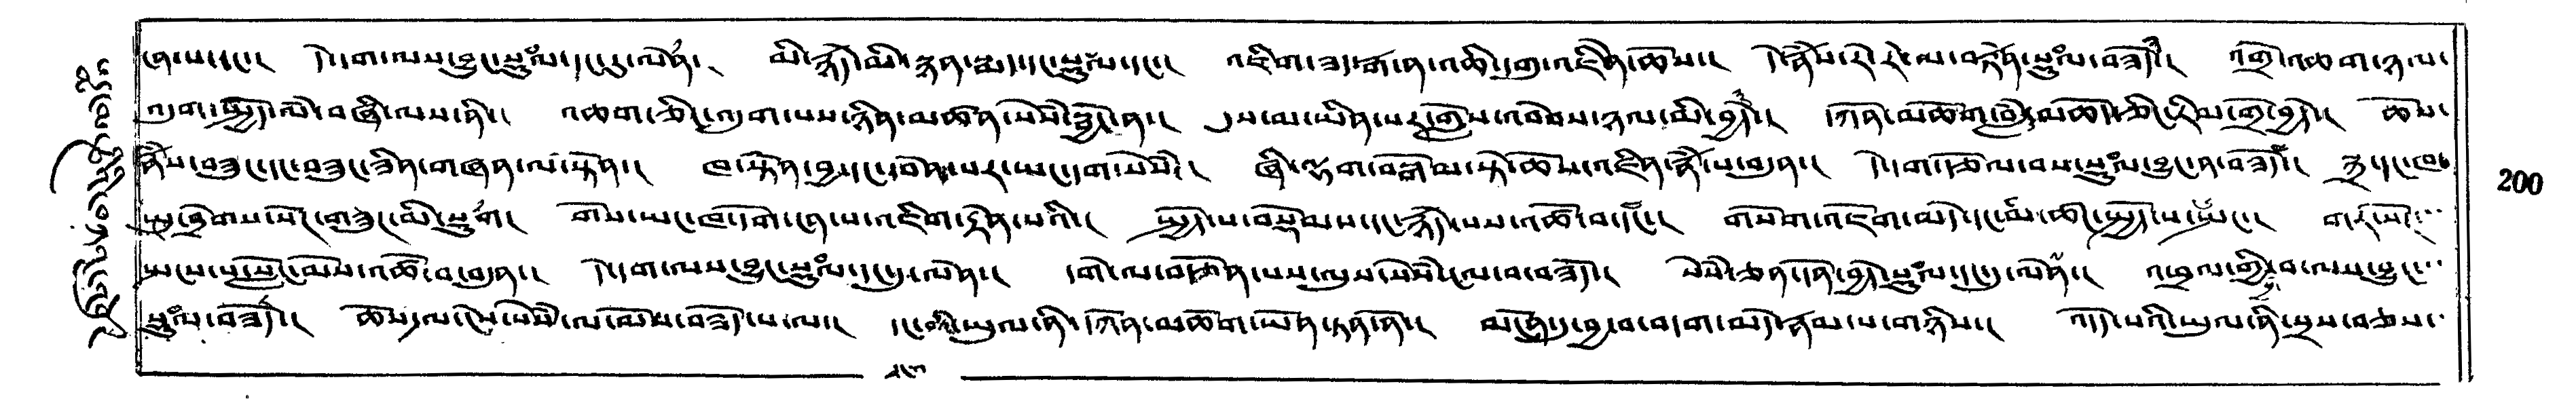བརྟེན་པ་དང་། །དེ་དག་ལས་བྱུང་སྡུག་བསྔལ་དང་དུ་ལེན། །མི་རྙེད་མི་སྙན་སྨད་དང་སྡུག་བསྔལ་དང་། །འཇིག་ཟད་རྒ་ན་འཆི་དགུ་འཇིག་རྟེན་ཆོས། །དེ་རྣམས་རེ་རེ་ལ་བརྟེན་སྡུག་བསྔལ་བཟོད། །འགྲོ་འཆག་ཉལ་
འདུག་སྤྱོད་ལམ་བཞི་ལས་ནི། །འཆག་ཅིང་འདུག་པས་ཉིན་མཚན་སེམས་སྦྱོང་ན། །དུས་མ་ཡིན་པར་གློས་འབེབས་ཉལ་མི་བྱེད། །དཀོན་མཆོག་བླ་མ་མཆོད་ཅིང་རིམ་གྲོ་བྱེད། །ཆོས་
རྣམས་བཟུང་དང་བཟུང་ཟིན་གཞན་ལ་སྟོན།ཁ་སྟོན་བྱ་དང་དབེན་པར་ཡང་དག་སེམས། །ཞི་ལྷག་བསྒོམ་སྟེ་ཆོས་འཛིན་རྣམ་པ་བདུན། །དེ་དག་རྩོལ་བས་སྡུག་བསྔལ་བྱུང་ན་བཟོད། །སྐྲ་དང་ཁ་
སྤུ་བྲེགས་སོགས་གཟུགས་མི་སྡུག །གོས་ཡང་ཁ་དོག་ངན་པ་འཇིག་རྟེན་པའི། །སྤྱོད་པ་བསྡོམས་དང་རྙེད་པས་འཚོ་བ་དང་། །གསོག་འཇོག་མེད་དང་མི་ཚངས་སྤྱོད་པ་སྤང་། །གར་སོགས་
སྤངས་པ་སློང་མོས་འཚོ་བ་བདུན། །དེ་དག་ལས་བྱུང་སྡུག་བསྔལ་དང་དུ་ལེན། །དགེ་ལ་བརྩོན་པས་ལུས་སེམས་ངལ་བ་བཟོད། །སེམས་ཅན་དོན་བྱེད་སྡུག་བསྔལ་དང་དུ་ལེན། །འཕྲལ་གྱི་བྱ་བ་ལས་བྱུང་
སྡུག་བསྔལ་བཟོད། །ཆོས་ལ་ངེས་སེམས་ལ་མོས་བཟོད་པ་ལ། །དང་བའི་ཡུལ་ནི་དཀོན་མཆོག་ཡོན་ཏན་ནོ། །མངོན་དུ་བྱ་བ་བདག་མེད་རྣམ་པ་གཉིས། །འདོད་པའི་ཡུལ་ནི་སྲས་བཅས་